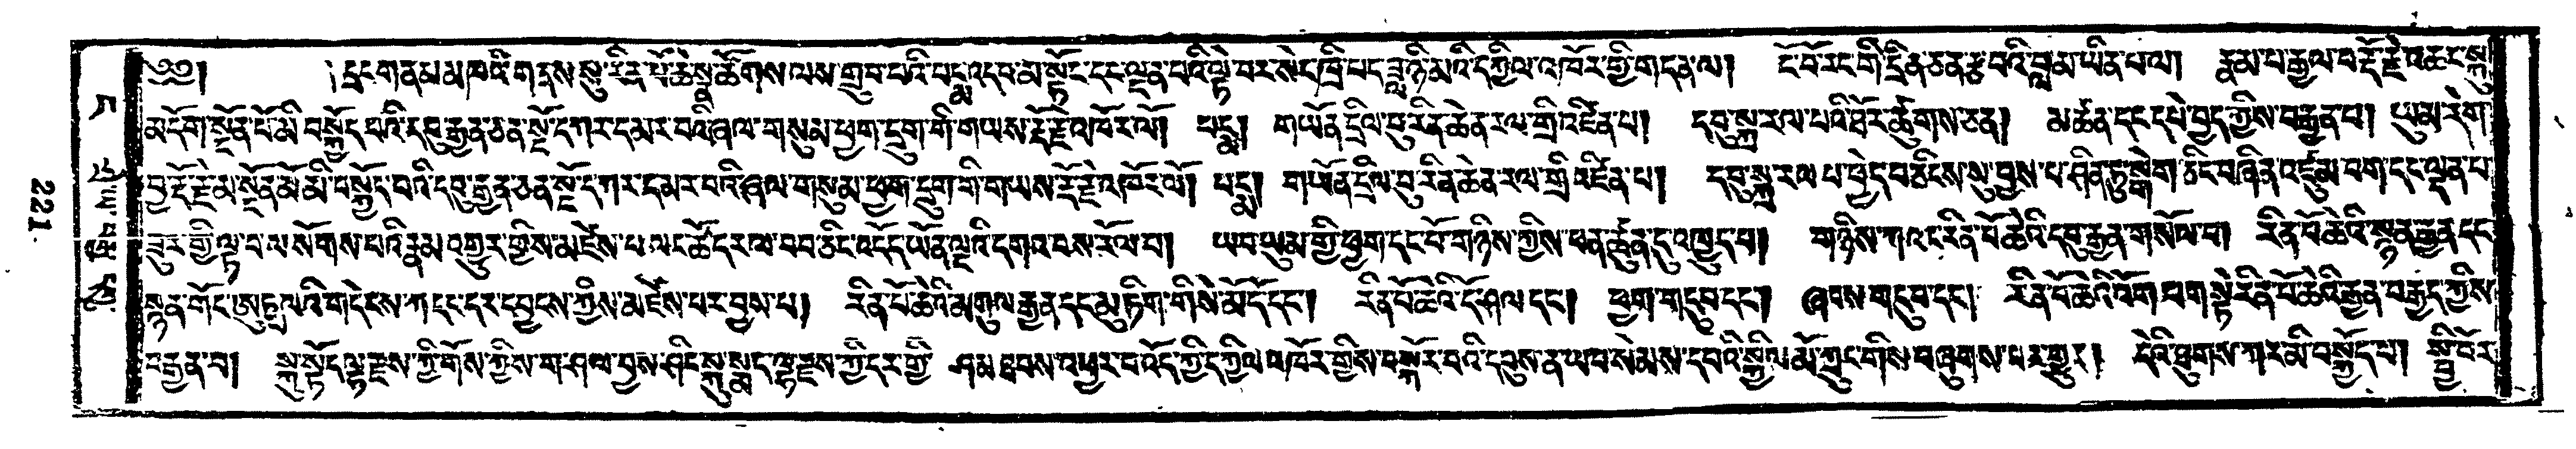༄༅། །དྲང་གནམ་མཁའི་གནས་སུ་རིན་པོ་ཆེ་སྣ་ཚོགས་ལས་གྲུབ་པའི་པདམ་འདབ་མ་སྟོང་དང་ལྡན་པའི་ལྟེ་བར་སེང་ཁྲི་པད་ཟླ་ཉི་མའི་དཀྱིལ་འཁོར་གྱི་གདན་ལ། ངོ་བོ་རང་གི་དྲིན་ཅན་རྩ་བའི་བླ་མ་ཡིན་པ་ལ། རྣམ་པ་རྒྱལ་བ་རྡོ་རྗེ་འཆང་སྐུ་
མདོག་སྔོན་པོ་མི་བསྐྱོད་པའི་དབུ་རྒྱན་ཅན་སྔོ་དཀར་དམར་བའི་ཞལ་གསུམ་ཕྱག་དྲུག་གི་གཡས་རྡོ་རྗེ་འཁོར་ལོ། པདམ། གཡོན་དྲིལ་བུ་རིན་ཆེན་རལ་གྲི་འཛིན་པ། དབུ་སྐྲ་རལ་པའི་ཐོར་ཚུགས་ཅན། མཚན་དང་དཔེ་བྱད་ཀྱིས་བརྒྱན་པ། ཡུམ་རེག་
བྱ་རྡོ་རྗེ་མ་སྔོན་མོ་མི་བསྐྱོད་བའི་དབུ་རྒྱན་ཅན་སྔོ་དཀར་དམར་བའི་ཞལ་གསུམ་ཕྱག་དྲུག་གི་གཡས་རྡོ་རྗེ་འཁོར་ལོ། པདམ། གཡོན་དྲིལ་བུ་རིན་ཆེན་རལ་གྲི་འཛིན་པ། དབུ་སྐྲ་རལ་པ་བྱེད་བཅིངས་སུ་བྱས་པ་ཤིན་ཏུ་སྒེག་ཅིང་བཞིན་འཛུམ་བག་དང་ལྡན་པ་
ཟུར་གྱི་ལྟ་བ་ལ་སོགས་པའི་རྣམ་འགྱུར་གྱིས་མཛེས་པ་ལང་ཚོ་དར་ལ་བབ་ཅིང་འདོད་ཡོན་ལྔའི་དགའ་བས་རོལ་པ། ཡབ་ཡུམ་གྱི་ཕྱག་དང་པོ་གཉིས་ཀྱིས་ཕན་ཚུན་དུ་འཁྱུད་པ། གཉིས་ཀའང་རིན་པོ་ཆེའི་དབུ་རྒྱན་གསོལ་བ། རིན་པོ་ཆེའི་སྙན་རྒྱན་དང་
སྙན་གོང་ཨུཏྤ་ལའི་གདེངས་ཀ་དང་དར་དབྱངས་ཀྱིས་མཛེས་པར་བྱས་པ། རིན་པོ་ཆེའི་མགུལ་རྒྱན་དང་མུ་ཏིག་གི་སེ་མོ་དོ་དང་། རིན་པོ་ཆེའི་དོ་ཤལ་དང་། ཕྱག་གདུབ་དང་། ཞབས་གདུབ་དང་། རིན་པོ་ཆེའི་འོག་པག་སྟེ་རིན་པོ་ཆེའི་རྒྱན་བརྒྱད་ཀྱིས་
བརྒྱན་བ། སྐུ་སྟོད་ལྷ་རྫས་ཀྱི་གོས་ཀྱིས་ག་ཤལ་བྱས་ཤིང་སྐུ་སྨད་ལྷ་རྫས་ཀྱི་དར་གྱི་ཤམ་ཐབས་འཕྱར་བ་འོད་ཀྱི་དཀྱིལ་འཁོར་གྱིས་བསྐོར་བའི་དབུས་ན་ཡབ་སེམས་དཔའི་སྐྱིལ་མོ་ཀྲུང་གིས་བཞུགས་པར་གྱུར། དེའི་ཐུགས་ཀར་མི་བསྐྱོད་པ། སྤྱི་བོར་